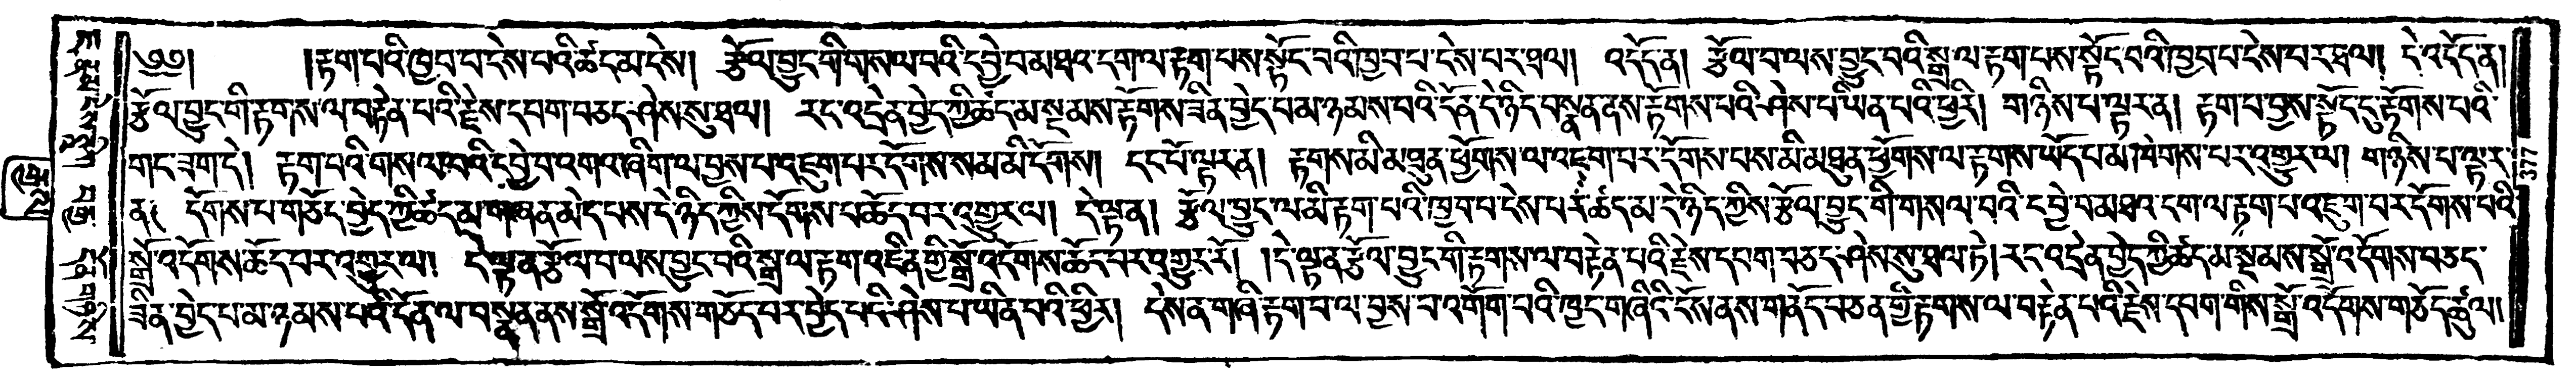༄༅། །རྟག་པའི་ཁྱབ་པ་ངེས་པའི་ཚད་མ་དེས། རྩོལ་བྱུང་གི་གསལ་བའི་དབྱེ་བ་མཐའ་དག་ལ་རྟག་པས་སྟོང་པའི་ཁྱབ་པ་ངེས་པར་ཐལ། འདོད་ན། རྩོལ་བ་ལས་བྱུང་བའི་སྒྲ་ལ་རྟག་པས་སྟོང་པའི་ཁྱབ་པ་ངེས་པར་ཐལ། དེ་འདོད་ན།
རྩོལ་བྱུང་གི་རྟགས་ལ་བརྟེན་པའི་རྗེས་དཔག་བཅད་ཤེས་སུ་ཐལ། རང་འདྲེན་བྱེད་ཀྱི་ཚད་མ་སྔ་མས་རྟོགས་ཟིན་བྱེད་པ་མ་ཉམས་པའི་དོན་དེ་ཉིད་བསྣན་ནས་རྟོགས་པའི་ཤེས་པ་ཡིན་པའི་ཕྱིར། གཉིས་པ་ལྟར་ན། རྟག་པ་བྱས་སྟོང་དུ་རྟོགས་པའི་
གང་ཟག་དེ། རྟག་པའི་གསལ་བའི་དབྱེ་བ་འགའ་ཞིག་ལ་བྱས་པ་འཇུག་པར་དོགས་སམ་མི་དོགས། དང་པོ་ལྟར་ན། རྟགས་མི་མཐུན་ཕྱོགས་ལ་འཇུག་པར་དོགས་པས་མི་མཐུན་ཕྱོགས་ལ་རྟགས་ཡོད་པ་མ་ཁེགས་པར་འགྱུར་ལ། གཉིས་པ་ལྟར་
ན། དོགས་པ་གཅོད་བྱེད་ཀྱི་ཚད་མ་གཞན་མེད་པས་དེ་ཉིད་ཀྱིས་དོགས་པ་ཆོད་པར་འགྱུར་ལ། དེ་ལྟ་ན། རྩོལ་བྱུང་ལ་མི་རྟག་པའི་ཁྱབ་པ་ངེས་པར་ཚད་མ་དེ་ཉིད་ཀྱིས་རྩོལ་བྱུང་གི་གསལ་བའི་དབྱེ་བ་མཐའ་དག་ལ་རྟག་པ་འཇུག་པར་དོགས་པའི་
སྒྲོ་འདོགས་ཆོད་པར་འགྱུར་ལ། དེ་ལྟ་ན་རྩོལ་བ་ལས་བྱུང་བའི་སྒྲ་ལ་རྟག་འཛིན་གྱི་སྒྲོ་འདོགས་ཆོད་པར་འགྱུར་རོ། །དེ་ལྟ་ན་རྩོལ་བྱུང་གི་རྟགས་ལ་བརྟེན་པའི་རྗེས་དཔག་བཅད་ཤེས་སུ་ཐལ་ཏེ། རང་འདྲེན་བྱེད་ཀྱི་ཚད་མ་སྔ་མས་སྒྲོ་འདོགས་བཅད་
ཟིན་བྱེད་པ་མ་ཉམས་པའི་དོན་ལ་བསྣན་ནས་སྒྲོ་འདོགས་གཅོད་པར་བྱེད་པའི་ཤེས་པ་ཡིན་པའི་ཕྱིར། དེས་ན་གཞི་རྟག་པ་ལ་བྱས་པ་འགོག་པའི་ཁྱད་གཞིའི་ངོས་ནས་གནོད་པ་ཅན་གྱི་རྟགས་ལ་བརྟེན་པའི་རྗེས་དཔག་གིས་སྒྲོ་འདོགས་གཅོད་ཚུལ།